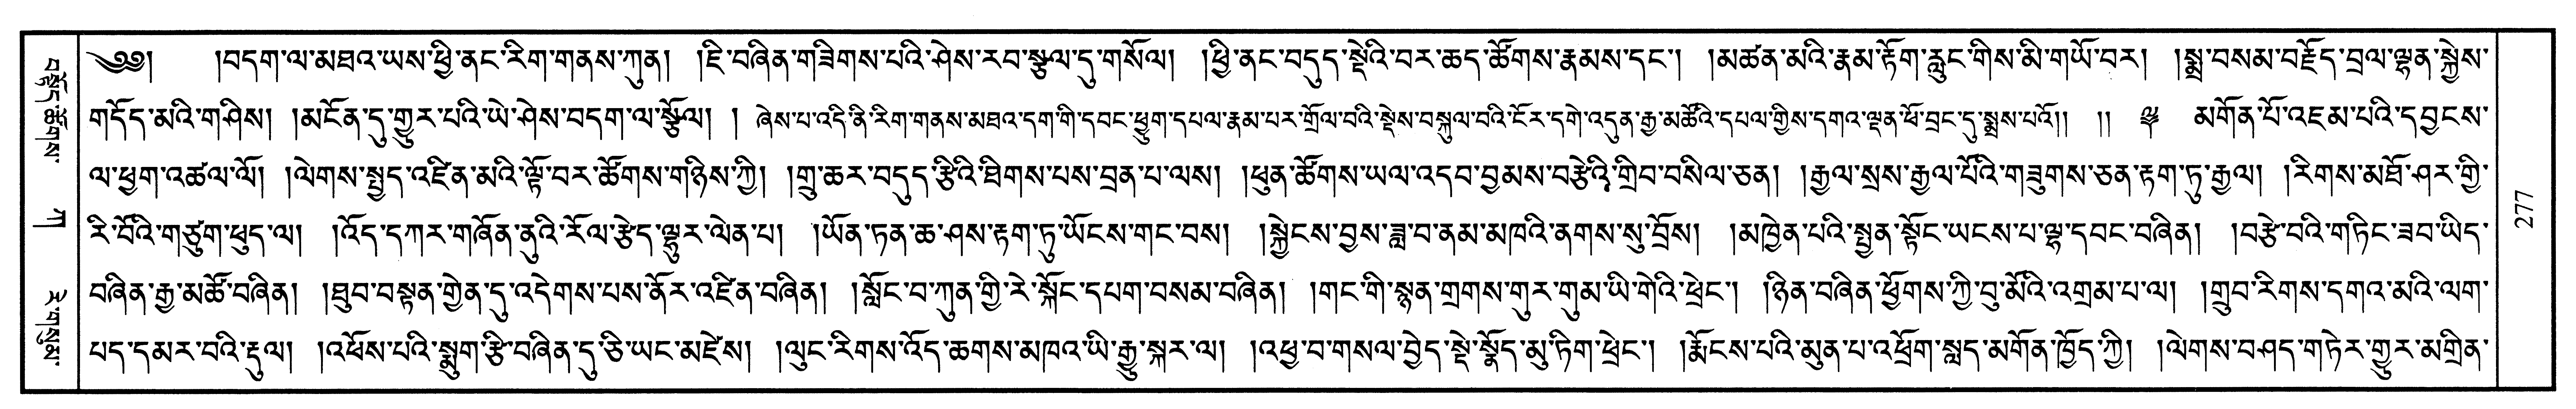༄༅། །བདག་ལ་མཐའ་ཡས་ཕྱི་ནང་རིག་གནས་ཀུན། །ཇི་བཞིན་གཟིགས་པའི་ཤེས་རབ་སྩལ་དུ་གསོལ། །ཕྱི་ནང་བདུད་སྡེའི་བར་ཆད་ཚོགས་རྣམས་དང་། །མཚན་མའི་རྣམ་རྟོག་རླུང་གིས་མི་གཡོ་བར། །སྨྲ་བསམ་བརྗོད་བྲལ་ལྷན་སྐྱེས་
གདོད་མའི་གཤིས། །མངོན་དུ་གྱུར་པའི་ཡེ་ཤེས་བདག་ལ་སྩོལ། །ཞེས་པ་འདི་ནི་རིག་གནས་མཐའ་དག་གི་དབང་ཕྱུག་དཔལ་རྣམ་པར་གྲོལ་བའི་སྡེས་བསྐུལ་བའི་ངོར་དགེ་འདུན་རྒྱ་མཚོའི་དཔལ་གྱིས་དགའ་ལྡན་ཕོ་བྲང་དུ་སྨྲས་པའོ།། །། ༈ མགོན་པོ་འཇམ་པའི་དབྱངས་
ལ་ཕྱག་འཚལ་ལོ། །ལེགས་སྤྱད་འཛིན་མའི་ལྟོ་བར་ཚོགས་གཉིས་ཀྱི། །གྲུ་ཆར་བདུད་རྩིའི་ཐིགས་པས་བྲན་པ་ལས། །ཕུན་ཚོགས་ཡལ་འདབ་བྱམས་བརྩེའི་གྲིབ་བསིལ་ཅན། །རྒྱལ་སྲས་རྒྱལ་པོའི་གཟུགས་ཅན་རྟག་ཏུ་རྒྱལ། །རིགས་མཐོ་ཤར་གྱི་
རི་བོའི་གཙུག་ཕུད་ལ། །འོད་དཀར་གཞོན་ནུའི་རོལ་རྩེད་ལྷུར་ལེན་པ། །ཡོན་ཏན་ཆ་ཤས་རྟག་ཏུ་ཡོངས་གང་བས། །སྐྱེངས་བྱས་ཟླ་བ་ནམ་མཁའི་ནགས་སུ་བྲོས། །མཁྱེན་པའི་སྤྱན་སྟོང་ཡངས་པ་ལྷ་དབང་བཞིན། །བརྩེ་བའི་གཏིང་ཟབ་ཡིད་
བཞིན་རྒྱ་མཚོ་བཞིན། །ཐུབ་བསྟན་གྱེན་དུ་འདེགས་པས་ནོར་འཛིན་བཞིན། །སློང་བ་ཀུན་གྱི་རེ་སྐོང་དཔག་བསམ་བཞིན། །གང་གི་སྙན་གྲགས་གུར་གུམ་ཡི་གེའི་ཕྲེང་། །ཉིན་བཞིན་ཕྱོགས་ཀྱི་བུ་མོའི་འགྲམ་པ་ལ། །གྲུབ་རིགས་དགའ་མའི་ལག་
པད་དམར་བའི་རྡུལ། །འཕོས་པའི་སྨུག་རྩི་བཞིན་དུ་ཅི་ཡང་མཛེས། །ལུང་རིགས་འོད་ཆགས་མཁའ་ཡི་རྒྱུ་སྐར་ལ། །འཕྱ་བ་གསལ་བྱེད་སྡེ་སྣོད་མུ་ཏིག་ཕྲེང་། །རྨོངས་པའི་མུན་པ་འཕྲོག་སླད་མགོན་ཁྱོད་ཀྱི། །ལེགས་བཤད་གཏེར་གྱུར་མགྲིན་